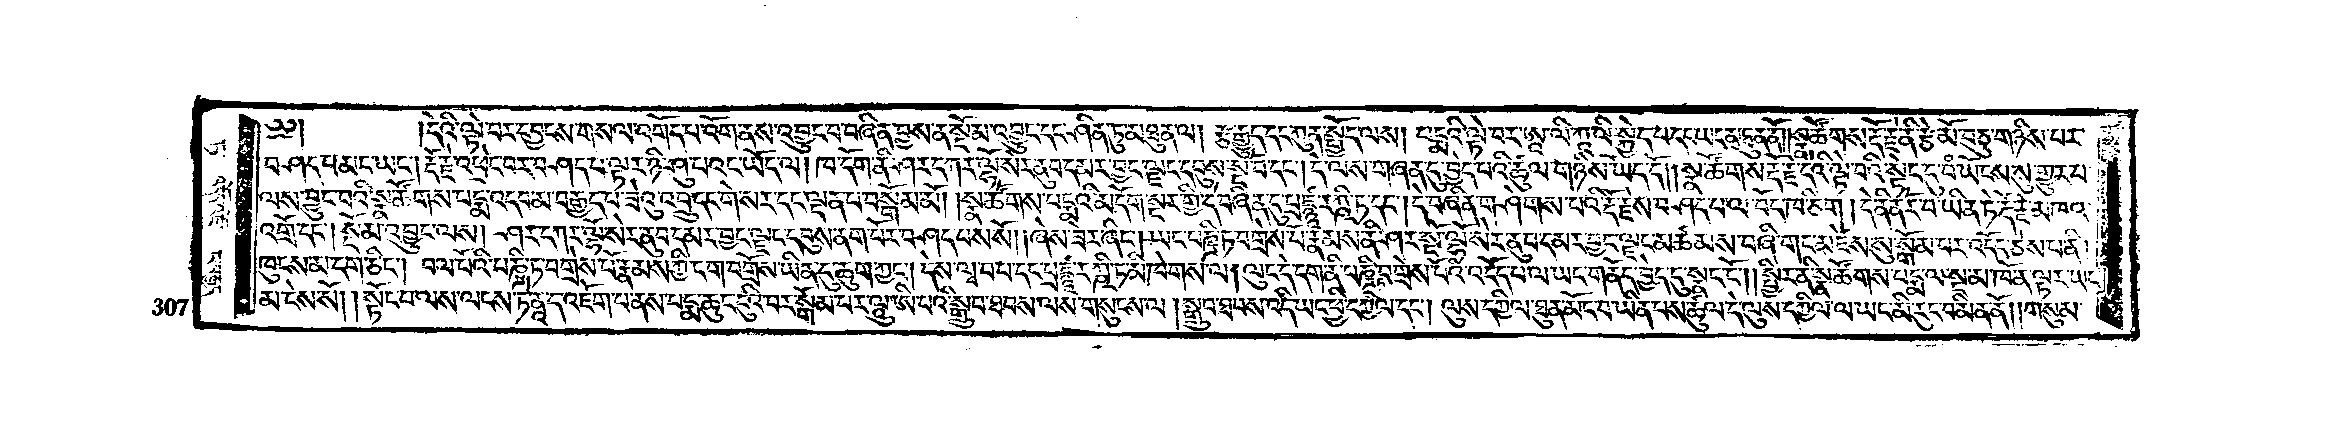༄༅། །དེའི་ལྟེ་བར་དབྱངས་གསལ་འགོད་པ་འོག་ནས་འབྱུང་བ་བཞིན་བྱས་ན་སྡོམ་འབྱུང་དང་ཤིན་ཏུ་མཐུན་ལ། རྩ་རྒྱུད་དང་ཀུན་སྤྱོད་ལས། པདམའི་ལྟེ་བར་ཨཱ་ལི་ཀཱ་ལི་སྐྱེད་པ་དང་ཡང་མཐུན་ནོ། །སྣ་ཚོགས་རྡོ་རྗེ་ནི་རྩེ་མོ་བཅུ་གཉིས་པར་
བཤད་པ་མང་ཡང་། རྡོ་རྗེ་འཕྲེང་བར་བཤད་པ་ལྟར་ཉི་ཤུ་པའང་ཡོད་ལ། ཁ་དོག་ནི་ཤར་དཀར་ལྷོ་སེར་ནུབ་དམར་བྱང་ལྗང་དབུས་སྔོ་བ་དང་། དེ་ལས་གཞན་དུ་བྱེད་པའི་ཚུལ་གཉིས་ཡོད་དོ། །སྣ་ཚོགས་རྡོ་རྗེ་དེའི་ལྟེ་བའི་སྟེང་དུ་བཾ་ཡོངས་སུ་གྱུར་པ་
ལས་བྱུང་བའི་སྣ་ཚོགས་པདམ་འདབ་མ་བརྒྱད་པ་ཟེའུ་འབྲུ་དང་གེ་སར་དང་ལྡན་པ་བསྒོམ་མོ། །སྣ་ཚོགས་པདམའི་མདོག་སྔར་གྱི་དེ་བཞིན་དུ་པྲཛྙཱ་རཀྵི་ཏ་དང་། དེ་བཞིན་གཤེགས་པའི་རྡོ་རྗེས་བཤད་པ་ལ་བོད་ཁ་ཅིག །དེ་ནི་ནོར་བ་ཡིན་ཏེ་རྡོ་རྗེ་མཁའ་
འགྲོ་དང་། སྡོམ་འབྱུང་ལས། ཤར་དཀར་ལྷོ་སེར་ནུབ་དམར་བྱང་ལྗང་དབུས་ནག་པོར་བཤད་པས་སོ། །ཞེས་ཟེར་ཞིང་། ཡང་པཎྜི་ཏ་བགྲེས་པོ་རྣམས་ནི་ཤར་སྔོ་ལྷོ་སེར་ནུབ་དམར་བྱང་ལྗང་མཚམས་བཞི་གང་མཛེས་སུ་སྒོམ་པར་འདོད་ཅེས་པ་ནི།
ཁུངས་མ་དག་ཅིང་། བལ་པོའི་པཎྜི་ཏ་བགྲེས་པོ་རྣམས་ཀྱི་ངག་བགྲོས་ཡིན་དུ་ཆུག་ཀྱང་། དེས་ལྭ་བ་པ་དང་པྲཛྙཱ་རཀྵི་ཏ་མི་ཁེགས་ལ། ལུང་དེ་དག་ནི་པཎྜི་བགྲེས་པོའི་འདོད་པ་ལ་ཡང་གནོད་བྱེད་དུ་སྣང་ངོ། །སྤྱིར་ནི་སྣ་ཚོགས་པདམ་ལ་སྔ་མ་ཁོ་ན་ལྟར་ཡང་
མ་ངེས་སོ། །སྟོང་པ་ལས་ལངས་ཏ་ནཱ་ད་འཇོག་པ་ནས་པདམ་ཆུང་ངུའི་བར་སྒོམ་པར་ལཱུ་ཨི་པའི་སྒྲུབ་ཐབས་ལས་གསུངས་ལ། སྒྲུབ་ཐབས་འདི་ཡང་ཕྱི་དཀྱིལ་དང་། ལུས་དཀྱིལ་ཐུན་མོང་བ་ཡིན་པས་ཚུལ་དེ་ལུས་དཀྱིལ་ལ་ཡང་མི་རུང་བ་མིན་ནོ། །གསུམ་